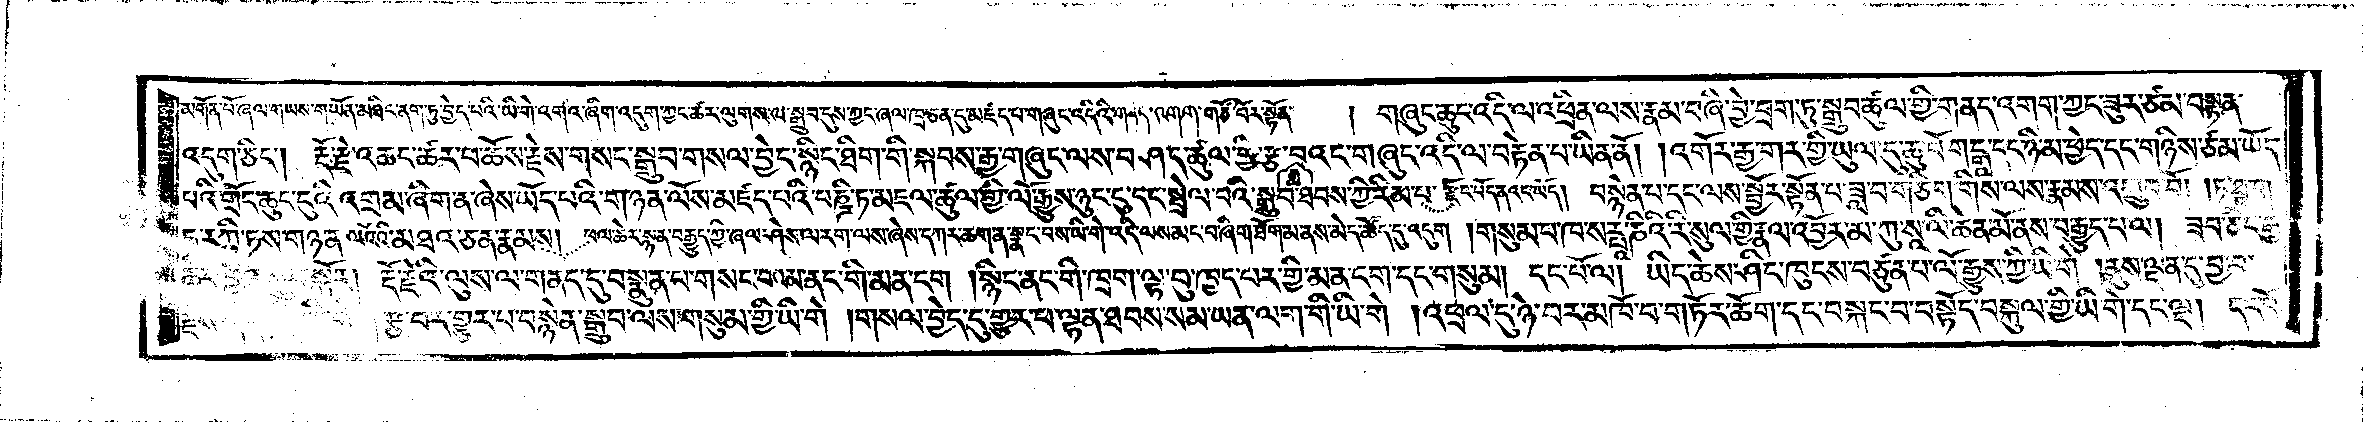མགོན་པོ་ཞལ་གཡས་གཡོན་མཐིང་ནག་ཏུ་བྱེད་པའི་ཡི་གེ་འགའ་ཞིག་འདུག་ཀྱང་ཚར་ལུགས་ལ་སྒྲུབ་དུས་ཀྱང་ཞལ་ཁྲ་ཅན་དུ་མཛད་པ་གཞུང་འདིའི་གནད་འགག་གཙོ་བོར་སྟོན། གཞུང་ཆུང་འདི་ལ་འཕྲིན་ལས་རྣམ་བཞི་བྱེ་བྲག་ཏུ་སྒྲུབ་ཚུལ་གྱི་གནད་འགག་ཀྱང་ཟུར་ཙམ་བསྟན་
འདུག་ཅིང་། རྡོ་རྗེ་འཆང་ཚར་པ་ཆོས་རྗེས་གསང་སྒྲུབ་གསལ་བྱེད་སྙིང་ཐིག་གི་སྐབས་རྒྱ་གཞུང་ལས་བཤད་ཚུལ་གྱི་རྩ་བའང་གཞུང་འདི་ལ་བརྟེན་པ་ཡིན་ནོ། །འགོར་རྒྱ་གར་གྱི་ཡུལ་དུ་བོ་གངྒཱ་དང་ཉི་མ་ཕྱེད་དང་གཉིས་ཙམ་ཡོད་
པའི་གྲོང་ཆུང་དུའི་འགྲམ་ཞིག་ན་ཞེས་ཡོད་པའི་གཉན་ལོས་མཛད་པའི་པཎྜི་ཏ་མཇལ་ཚུལ་གྱི་ལོ་རྒྱུས་ཉུང་དུ་དང་སྦྲེལ་བའི་སྒྲུབ་ཐབས་ཀྱི་རིམ་པ་རྫོང་པོད་ནའང་ཡོད།  བསྙེན་པ་དང་ལས་སྦྱོར་སྟོན་པ་ཟླ་བ་གཅིག་གིས་ལས་རྣམས་གྲུབ་བོ། །ཏ་ཐཱ་ག་
ཏཱ་ར་ཐེ་ཏས་གཉན་ལའོའི་མཐའ་ཅན་རྣམས། ཕལ་ཆེར་སྙན་བརྒྱུད་ཀྱི་ཞལ་ཤེས་ལ་རག་ལས་ཞེས་དཀར་ཆག་ན་སྣང་བས་ཡི་གེ་འདི་ལས་མང་བ་ཞིག་ཐོག་མ་ནས་མེད་ཚོད་དུ་འདུག །  །གསུམ་པ་ཁ་སརྤཱ་ཎིའི་རི་སུལ་གྱི་རྣལ་འབྱོར་མ་ཀུ་སཱ་ལི་ཆེན་མོ་ནས་བརྒྱུད་པ་ལ། ཟབ་ཅིང་རྒྱ་
ཆེ་བ་ཕྱིའི་སྒྲུབ་སྐོར། རྡོ་རྗེའི་ལུས་ལ་གནད་དུ་བསྣུན་པ་གསང་བའམ་ནང་གི་མན་ངག །སྙིང་ནང་གི་ཁྲག་ལྟ་བུ་ཁྱད་པར་གྱི་མན་ངག་དང་གསུམ། དང་པོ་ལ། ཡིད་ཆེས་ཤིང་ཁུངས་བཙུན་པ་ལོ་རྒྱུས་ཀྱི་ཡི་གེ། ནུས་ལྡན་དུ་བྱ་བ་
རྗེས་གནང་གི་ཡི་གེ། རྩ་བར་གྱུར་པ་བསྙེན་སྒྲུབ་ལས་གསུམ་གྱི་ཡི་གེ། །གསལ་བྱེད་དུ་གྱུར་པ་ལྟན་ཐབས་སམ་ཡན་ལག་གི་ཡི་གེ། འཕྲལ་དུ་ཉེ་བར་མཁོ་བ་གཏོར་ཆོག་དང་བསྐང་བ་བསྟོད་བསྐུལ་གྱི་ཡི་གེ་དང་ལྔ། དང་པོ་